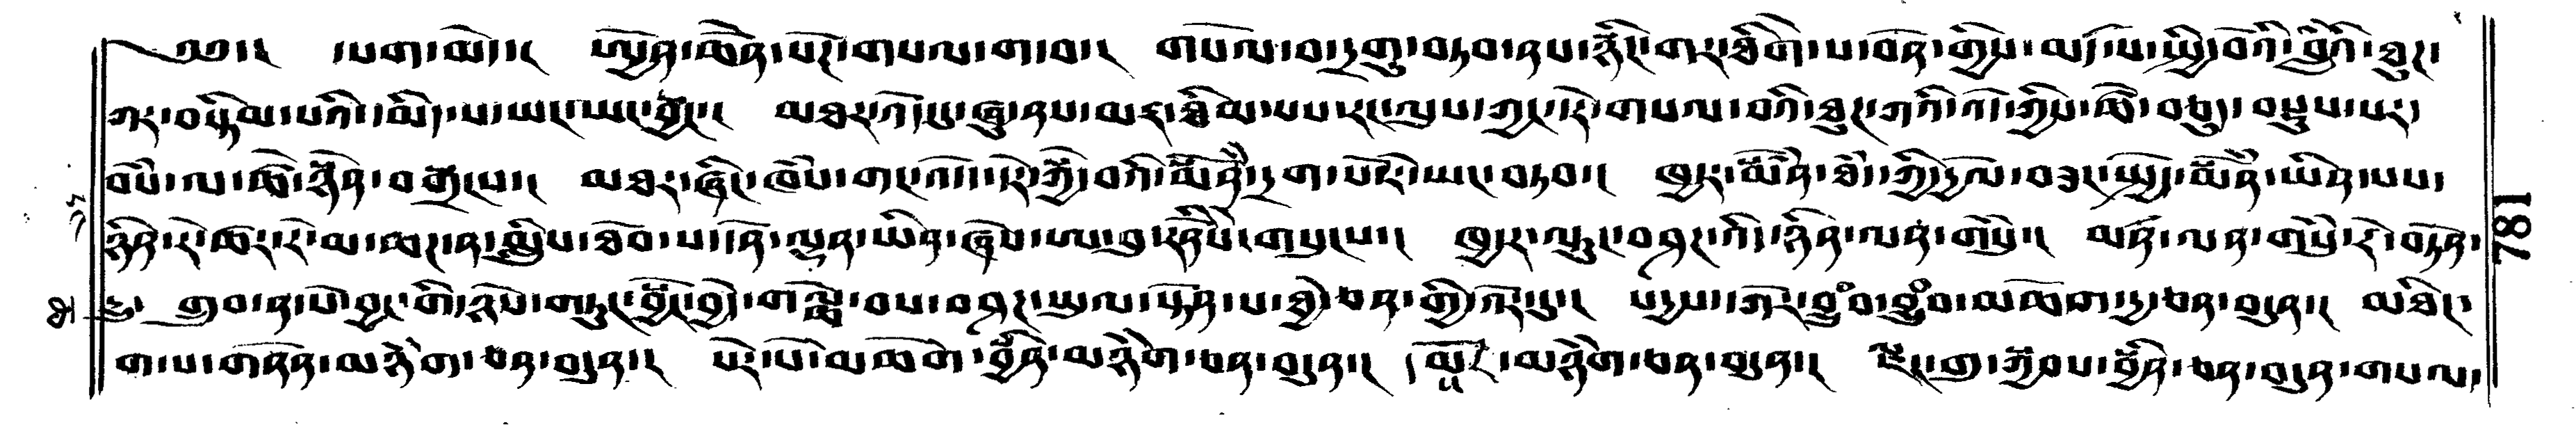དཔག་མེད། ཨོ་རྒྱན་ཆེན་པོ་སོགས་གསལ་གདབ། གསོལ་བ་དྲག་ཏུ་བཏབ་ནས་སྙིང་གར་ཐིག་ལེ་ས་བོན་གྱིས་མཚན་པ་སྤྱི་བོའི་བླ་མའི་ཐུགས་
ཀར་བསྟིམ་པའི་དམིགས་པ་ཡང་ཡང་སྦྱང་། མཐར་འོད་དུ་ཞུ་ནས་མར་ཐིམ་པས་རང་ལུས་ཀྱང་དེར་གསལ་བའི་ཐུགས་ཀའི་འོད་ཀྱིས་ཚེ་བཅུད་བསྡུས་པར་
བསམ་ལ་ཚེ་བསྙེན་བསྒྲང་། མཐར་ཞིང་ཁམས་གང་འདོད་དེར་སྐྱེ་བའི་སྨོན་ལམ་དྲག་པོ་རེ་ཡང་བཏབ། ཁྱད་པར་སྨོན་ལམ་ཐམས་ཅད་ཀྱི་རྒྱལ་པོ་བཟང་སྤྱོད་སྨོན་ལམ་ཡིན་པས་
ཉིན་རེར་ཚར་རེ་མ་ཆག་ན་མི་ལུས་ཐོབ་པ་དོན་ལྡན་ཡིན་ཞེས་ཨ་བུ་རིན་པོ་ཆེས་གསུངས། ཁྱད་པར་ལྟུང་བཤགས་འདི་ཉིན་ལན་གསུམ། མཚན་ལན་གསུམ་རེ་བཏོན་
རྒྱུ་གྲུབ་ན་སོ་བྱང་གི་ཉེས་ལྟུང་སྦྱོང་བྱེད་གལ་ཆེ་བས་བཤགས་ཡུལ་སྟོན་པ་ཐུགས་རྗེ་ཅན་གྱི་འཁོར་དུ། སངས་རྒྱས་དཀར་པོ་བྱང་ཆུབ་བྱང་ཆུབ་མཆོག་རྒྱ་ཅན་བདུན། མཐིང་
ག་ས་གནོན་མཉམ་བཞག་ཅན་བདུན། སེར་པོ་མཆོག་སྦྱིན་མཉམ་བཞག་ཅན་བདུན། དམར་པོ་མཉམ་དག་ཅན་བདུན། ལྗང་གུ་སྐྱབས་སྦྱིན་ཅན་བདུན་གསལ་